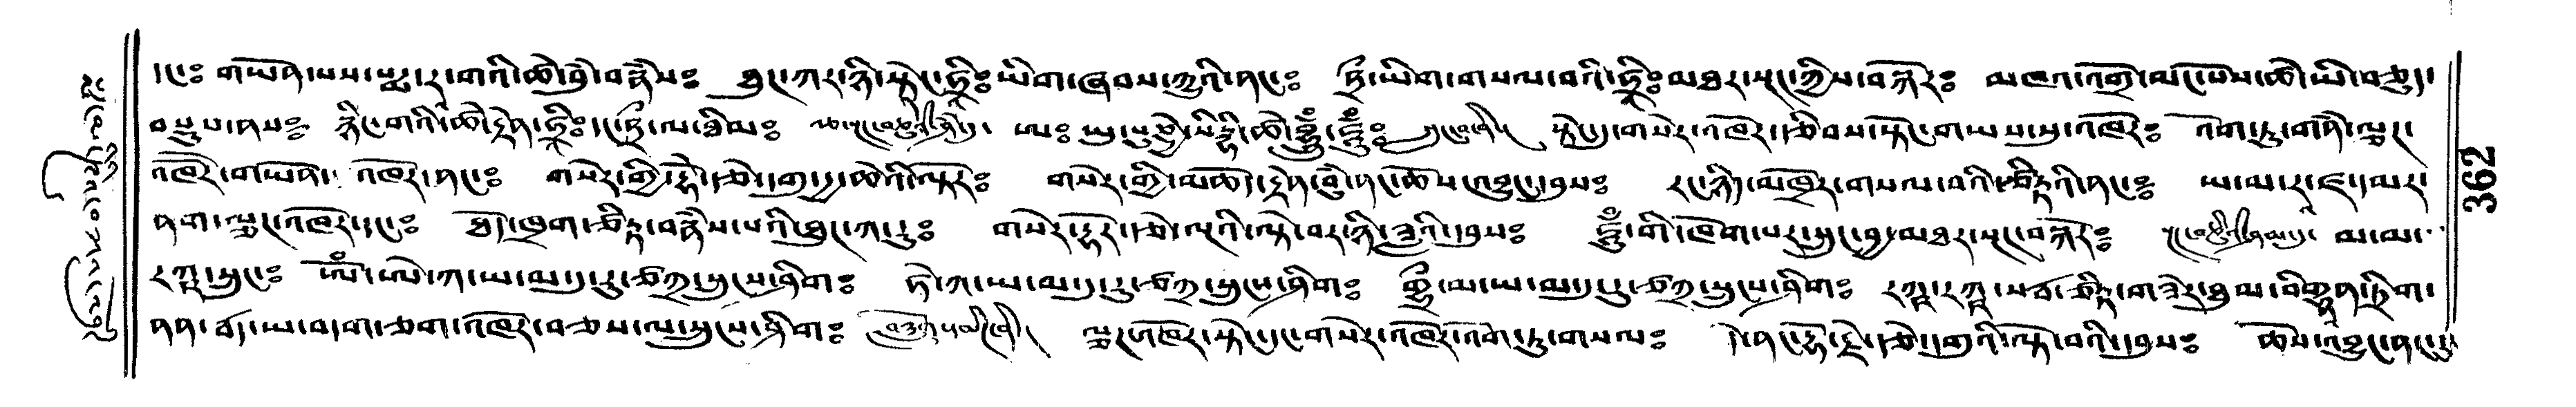དང༔ གཡོན་པས་པདྨ་རཱ་གའི་ཚེ་བུམ་བསྣམས༔ ཐུགས་ཀར་ཉི་སྟེང་ཧྲཱིཿཡིག་ཞབས་ཀྱུའི་ནང༔ ནྲྀ་ཡིག་གསལ་བའི་ཧྲཱིཿམཐར་སྔགས་ཀྱིས་བསྐོར༔ མཁའ་འགྲོ་མང་པོས་ཚེ་ཡི་བཅུད་
བསྡུས་ནས༔ སྙིང་གའི་ཚེ་རྟེན་ཧྲཱིཿདང་ནྲྀ་ལ་ཐིམ༔ རྩ་སྔགས་བཅུའི་གཤམ་དུ། ཨཿཡུ་པུཎྱེ་སིདྡྷི་ཚེ་བྷྲཱུྃ་ཧཱུྃ༔ སྲུང་བ་ནི། སྟེང་དུ་གསེར་འཁོར་རྩིབས་སྟོང་གཡས་སུ་འཁོར༔ འོག་ཏུ་གནམ་ལྕགས་
འཁོར་ལོ་གཡོན་འཁོར་ནང༔ གསེར་གྱི་རྡོ་རྗེ་རྩེ་དགུ་རྒྱ་ཆེའི་ལྟོར༔ གསེར་གྱི་མཆོད་རྟེན་བུམ་ནང་ཆོས་འབྱུང་དབུས༔ རང་ཉིད་མཁའ་འགྲོར་གསལ་བའི་ཙིཏྟའི་ནང༔ ཡ་མ་རཱ་ཛ་དམར་
ནག་ལྕགས་འཁོར་དང༔ ཐོད་ཁྲག་ཙིཏྟ་བསྣམས་པའི་ཐུགས་ཀ་རུ༔ གསེར་རྡོར་རྩེ་ལྔའི་ལྟེ་བར་ཉི་ཟླའི་དབུས༔ ཧཱུྃ་གི་ཁོག་པར་སྲུང་བྱའི་མཐར་སྔགས་བསྐོར༔ སྔགས་བཅུའི་ཤམ་དུ། མ་མ་
རཀྴ་སྲུང༔ ཨོཾ་ཨེ་ཀ་ཡ་མ་དུ་རུ་ཙཀྲ་སྲུངས་ཤིག༔ ཧེ་ཀ་ཡ་མ་དུ་རུ་ཙཀྲ་སྲུངས་ཤིག༔ གྷྲྀ་མ་ཡ་མ་དུ་རུ་ཙཀྲ་སྲུངས་ཤིགཿ རཀྵ་རཀྵ་སརྦ་ཙིཏྟ་གཟེར་ཐུམ་བིགྷྣཱན་ཏྲིག་
ནན་རྦད་ཡ་བདག་ཅག་འཁོར་བཅས་ལ་སྲུངས་ཤིགཿ བཟློག་དམིགས་ནི། ལྕགས་འཁོར་སྟོང་དང་གསེར་འཁོར་འོག་ཏུ་གསལ༔དེ་ནང་རྡོ་རྗེ་རྩེ་དགུའི་ལྟེ་བའི་དབུས༔ ཆོས་འབྱུང་ནང་དུ་